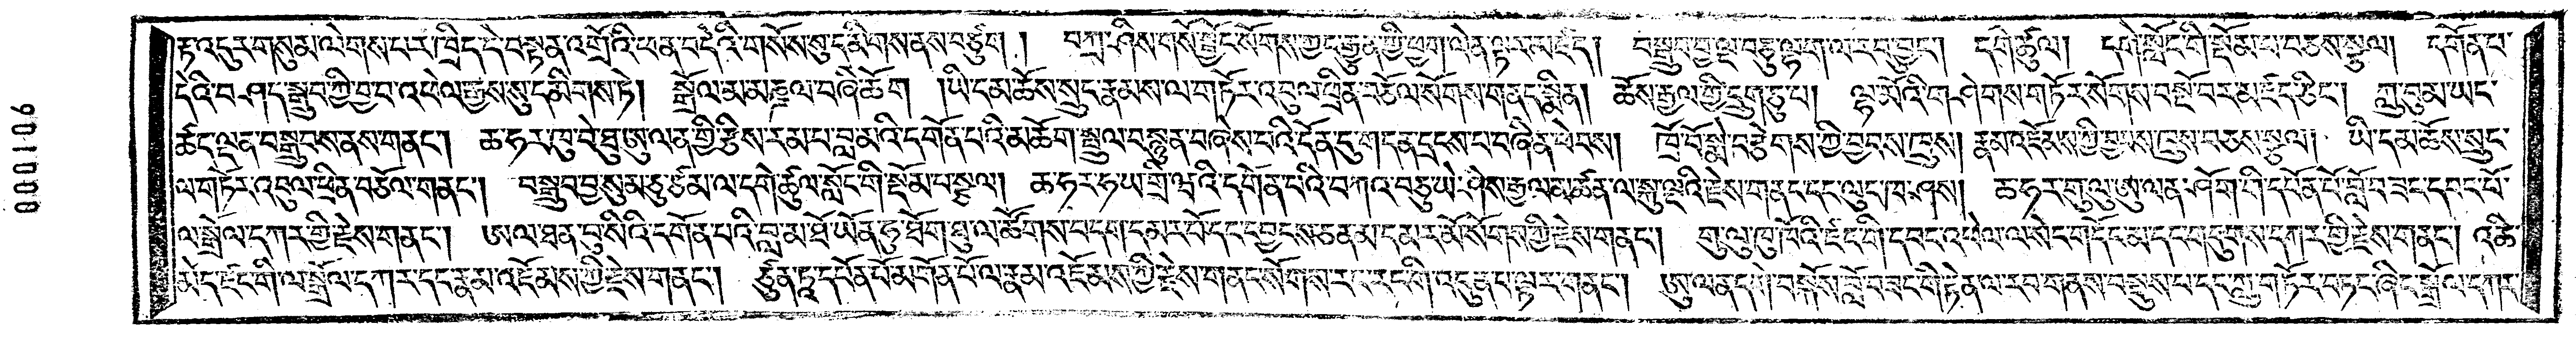རྟ་འདུར་གསུམ་ལེགས་པར་ཁྲིད་དེ་བསྟན་འགྲོའི་ཕན་བདེའི་གསོས་སུ་དམིགས་ནས་བཙུག །བཀྲ་ཤིས་གསོ་སྦྱོང་སོགས་ཀྱང་རྒྱུན་གྱི་ཕྱག་ལེན་ལྟར་མཛད། བསྒྲུབ་བྱ་ལྔ་བཅུ་ལྷག་ལ་རབ་བྱུང་། དགེ་ཚུལ། དགེ་སློང་གི་སྔོམ་པ་བཅས་སྩལ། དགོན་བ་
དེའི་བཤད་སྒྲུབ་གྱི་བྱ་བ་འཕེལ་རྒྱས་སུ་དམིགས་ཏེ། སྒྲོལ་མ་མཎྜལ་བཞི་ཆོག །ཡི་དམ་ཆོས་སྲུང་རྣམས་ལ་གཏོར་འབུལ་བྲིན་བཅོལ་སོགས་གནད་སྨིན། ཆོས་རྒྱལ་གྱི་དྲུག་ཅུ་པ། ལྷ་མོའི་གཤེགས་གཏོར་སོགས་བསྔོ་བར་མཛད་ཅིང་། ཀླུ་བུམ་ཡང་
ཚད་ལྡན་བསྒྲུབས་ནས་གནང་། ཆ་ཧར་ཁུ་བེ་ཐུ་ཨུ་ལན་གྱི་རྩིས་རམ་པ་བླ་མའི་དགོན་བའི་མཆོག་སྦྲུལ་བསྙུན་བཞེས་པའི་དོན་དུ་གདན་དྲངས་བ་བཞིན་ཕེབས། ཁྲོ་བོ་སྨེ་བརྩེགས་ཀྱི་བྱབས་ཁྲུས། རྣམ་འཇོམས་ཀྱི་བྱབས་ཁྲུས་བཅས་སྩལ། ཡི་དམ་ཆོས་སྲུང་
ལ་གཏོར་འབུལ་ཕྲིན་བཅོལ་གནང་། བསྒྲུབ་བྱ་སུམ་ཅུ་ཙམ་ལ་དགེ་ཚུལ་སློང་གི་སྡོམ་བ་སྩལ། ཆ་ཧར་ཧ་ཡ་གྲི་ཝའི་དགོན་པའི་བཀའ་བཅུ་ཡེ་ཤེས་རྒྱལ་མཚན་ལ་སྐུ་ལྔའི་རྗེས་གནང་དང་ལུང་ཁ་ཤས། ཆ་ཧར་གུ་ལུ་ཨུ་ལན་ཤོག་གི་དཔོན་བོ་བློ་བཟང་དབང་པོ་
ལ་སྒྲོལ་དཀར་གྱི་རྗེས་གནང་། ཨལ་ཐན་བུ་སིའི་དགོན་བའི་བླ་མ་ཐོ་ཡོན་ཧུ་ཐོག་ཐུ་ལ་ཚོགས་བདག་དམར་པོ་དང་དབྱངས་ཅན་མ་དམར་མོ་སོགས་ཀྱི་རྗེས་གནང་། གུ་ལུ་ཁུ་ཁོའི་ཛང་གི་དབང་འཕེལ་ལ་སེང་གདོང་མ་དང་གདུགས་དཀར་གྱི་རྗེས་གནང་། འཆི་
མེད་ཛང་གི་ལ་སྒྲོལ་དཀར་དང་རྣམ་འཇོམས་ཀྱི་རྗེས་གནང་། ཙུན་ཏཱ་དཔོན་པོ་མགོན་པོ་ལ་རྣམ་འཇོམས་ཀྱི་རྗེས་གནང་སོགས་རང་རང་གི་འདུན་པ་ལྟར་གནང་། ཨུ་ལན་དགེ་བསྐོས་བློ་བཟང་གི་རྟེན་ལ་རབ་གནས་བསྡུས་པ་དང་ཀླུ་གཏོར་བཏང་ཞིང་སྒྲོལ་དཀར་